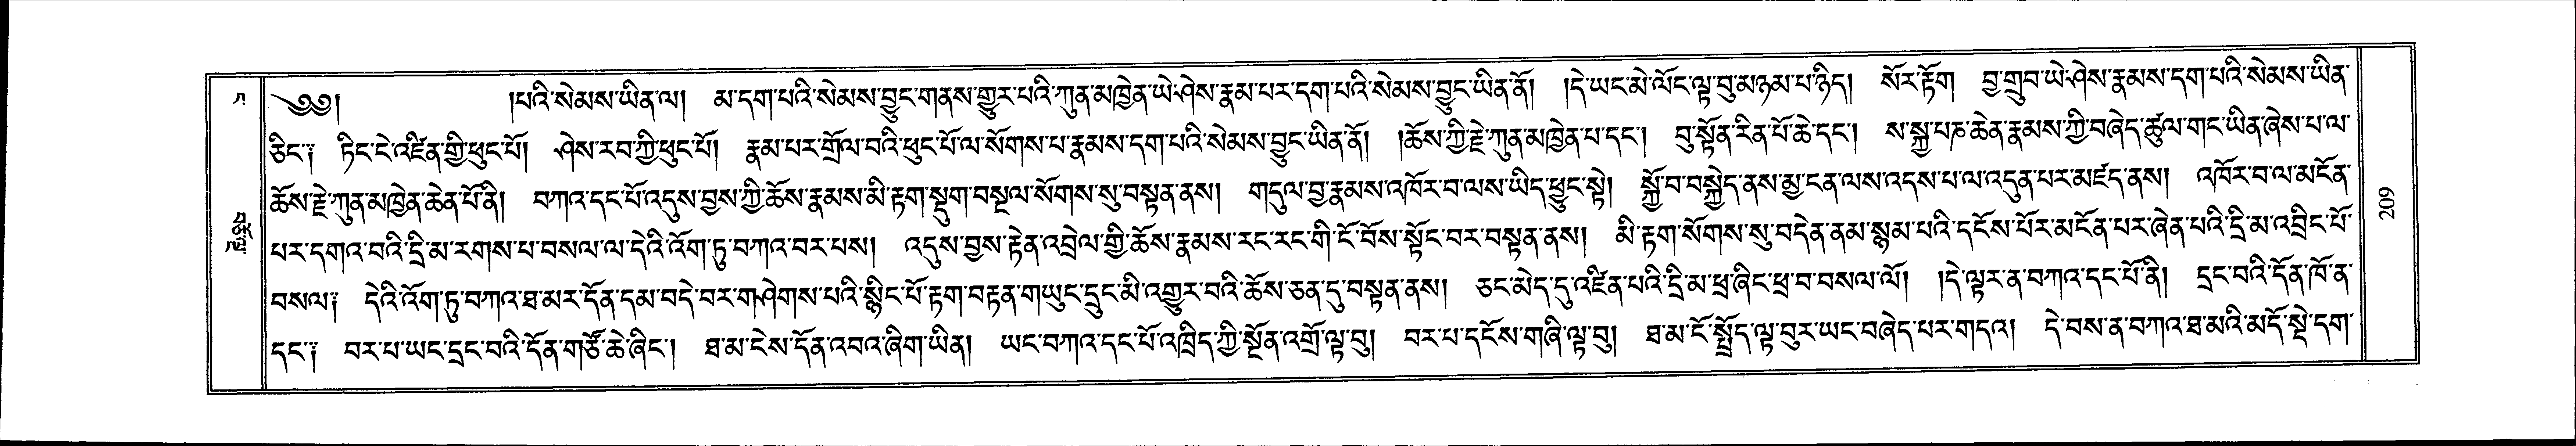༄༅། །པའི་སེམས་ཡིན་ལ། མ་དག་པའི་སེམས་བྱུང་གནས་གྱུར་པའི་ཀུན་མཁྱེན་ཡེ་ཤེས་རྣམ་པར་དག་པའི་སེམས་བྱུང་ཡིན་ནོ། །དེ་ཡང་མེ་ལོང་ལྟ་བུ་མཉམ་པ་ཉིད། སོར་རྟོག་བྱ་གྲུབ་ཡེ་ཤེས་རྣམས་དག་པའི་སེམས་ཡིན་
ཅིང་། ཏིང་ངེ་འཛིན་གྱི་ཕུང་པོ། ཤེས་རབ་ཀྱི་ཕུང་པོ། རྣམ་པར་གྲོལ་བའི་ཕུང་པོ་ལ་སོགས་པ་རྣམས་དག་པའི་སེམས་བྱུང་ཡིན་ནོ། །ཆོས་ཀྱི་རྗེ་ཀུན་མཁྱེན་པ་དང་། བུ་སྟོན་རིན་པོ་ཆེ་དང་། ས་སྐྱ་པཎ་ཆེན་རྣམས་ཀྱི་བཞེད་ཚུལ་གང་ཡིན་ཞེས་པ་ལ་
ཆོས་རྗེ་ཀུན་མཁྱེན་ཆེན་པོ་ནི། བཀའ་དང་པོ་འདུས་བྱས་ཀྱི་ཆོས་རྣམས་མི་རྟག་སྡུག་བསྔལ་སོགས་སུ་བསྟན་ནས། གདུལ་བྱ་རྣམས་འཁོར་བ་ལས་ཡིད་ཕྱུང་སྟེ། སྐྱོ་བ་བསྐྱེད་ནས་མྱ་ངན་ལས་འདས་པ་ལ་འདུན་པར་མཛད་ནས། འཁོར་བ་ལ་མངོན་
པར་དགའ་བའི་དྲི་མ་རགས་པ་བསལ་ལ་དེའི་འོག་ཏུ་བཀའ་བར་པས། འདུས་བྱས་རྟེན་འབྲེལ་གྱི་ཆོས་རྣམས་རང་རང་གི་ངོ་བོས་སྟོང་པར་བསྟན་ནས། མི་རྟག་སོགས་སུ་བདེན་ནམ་སྙམ་པའི་དངོས་པོར་མངོན་པར་ཞེན་པའི་དྲི་མ་འབྲིང་པོ་
བསལ། དེའི་འོག་ཏུ་བཀའ་ཐ་མར་དོན་དམ་བདེ་བར་གཤེགས་པའི་སྙིང་པོ་རྟག་བརྟན་གཡུང་དྲུང་མི་འགྱུར་པའི་ཆོས་ཅན་དུ་བསྟན་ནས། ཅང་མེད་དུ་འཛིན་པའི་དྲི་མ་ཕྲ་ཞིང་ཕྲ་བ་བསལ་ལོ། །དེ་ལྟར་ན་བཀའ་དང་པོ་ནི། དྲང་བའི་དོན་ཁོ་ན་
དང་། བར་པ་ཡང་དྲང་བའི་དོན་གཙོ་ཆེ་ཞིང་། ཐ་མ་ངེས་དོན་འབའ་ཞིག་ཡིན། ཡང་བཀའ་དང་པོ་འཁྲིད་ཀྱི་སྔོན་འགྲོ་ལྟ་བུ། བར་པ་དངོས་གཞི་ལྟ་བུ། ཐ་མ་ངོ་སྤྲོད་ལྟ་བུར་ཡང་བཞེད་པར་གདའ། དེ་བས་ན་བཀའ་ཐ་མའི་མདོ་སྡེ་དག་